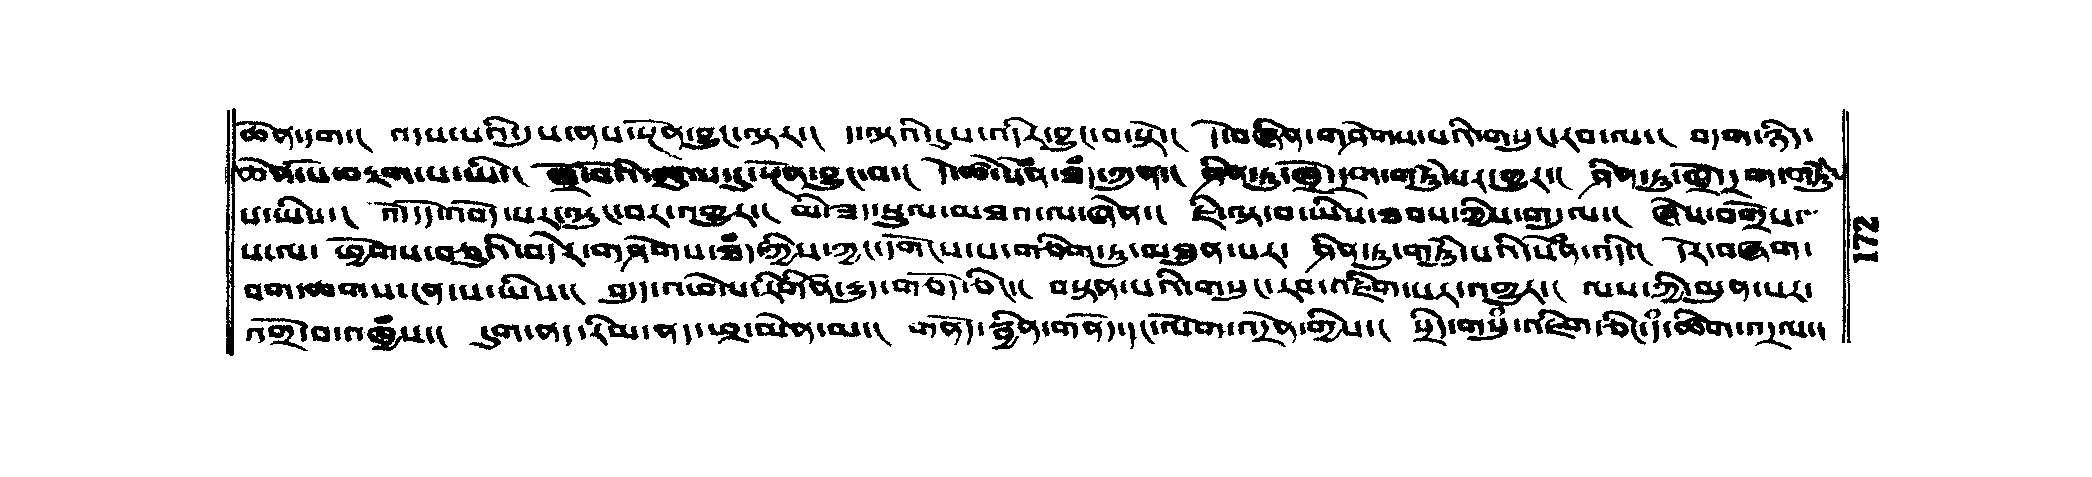ཆེན་དག འདས་པའི་དུས་ནས་སྔོན་བྱུང་ལྟར། ད་ལྟའི་དུས་འདིར་བྱུང་བ་སྟེ། དེ་བཞིན་གཤེགས་པའི་གསུང་རབས་ལ། བདག་ཉིད་
ཆེན་པོ་བརྟག་པ་ཡི། ཁྲོ་བོའི་ཚུལ་དུ་སྔོན་བྱུང་བ། དེ་ཚེ་སེམས་ཅན་ཐམས་ཅད་ཀུན། ཤིན་ཏུ་ཁྲོ་དག་གཏུམ་པར་གྱུར། ཤིན་ཏུ་ཁྲོ་དག་གཏུམ་
པ་ཡིས། འོ་དོད་འབོར་པར་ལྟུང་བར་འགྱུར། མི་ཟད་སྡུག་བསྔལ་མཐའ་ལ་ཞེན། ཇི་ལྟ་བ་ཡིས་ཐབས་ཀྱི་གདུལ། ཞེས་བགྲོས་
པ་ལ། ཕྱོགས་བཅུའི་བདེ་གཤེགས་ཐམས་ཅད་ཀྱིས་ཀྱང་དགོངས་པ་གཅིག་ཏུ་མཐུན་པར། ཤིན་ཏུ་གཏུམ་པའི་སེམས་ཅན་འདི། དོར་བཞག་
བག་ཆགས་ངན་པ་ཡིས། བདུད་འཕེལ་རིག་འཛིན་རྒྱུད་གཅོད་ཅིང་། བསྟན་པའི་གསུང་རབ་འཇིག་པར་འགྱུར། ལས་ཀྱི་མུན་པར་
འགྲོ་བ་འཁྱམས། དུག་ནད་རིམ་ནད་ཕྲ་མེན་མ།གནོད་སྦྱིན་གནོད་དང་ལོག་འདྲེན་གྱིས། སྲིད་གསུམ་འཇིག་ཅིང་དམ་ཚིག་འདྲལ།